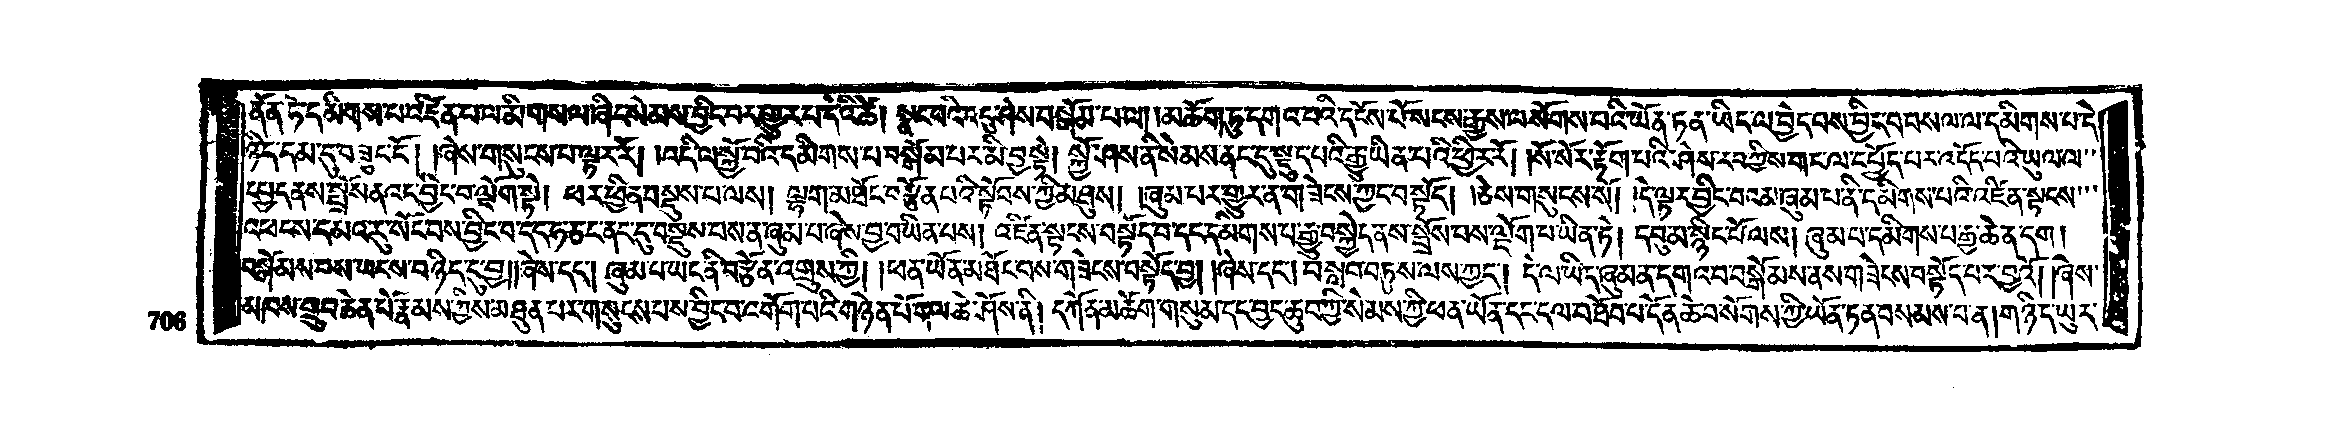ནོན་ཏེ་དམིགས་པ་འཛིན་པ་ལ་མི་གསལ་ཞིང་སེམས་བྱིང་བར་གྱུར་པ་དེའི་ཚེ། སྣང་བའི་འདུ་ཤེས་བསྒོམ་པའམ་མཆོག་ཏུ་དགའ་བའི་དངོས་པོ་སངས་རྒྱས་ལ་སོགས་པའི་ཡོན་ཏན་ཡིད་ལ་བྱེད་པས་བྱིང་བ་བསལ་ལ་དམིགས་པ་དེ་
ཉིད་དམ་དུ་བཟུང་ངོ། །ཞེས་གསུངས་པ་ལྟར་རོ། །འདི་ལ་སྐྱོ་བའི་དམིགས་པ་བསྒོམ་པར་མི་བྱ་སྟེ། སྐྱོ་ཤས་ནི་སེམས་ནང་དུ་སྡུད་པའི་རྒྱུ་ཡིན་པའི་ཕྱིར་རོ། །སོ་སོར་རྟོག་པའི་ཤེས་རབ་ཀྱིས་གང་ལ་དཔྱོད་པར་འདོད་པའི་ཡུལ་ལ་
དཔྱད་ནས་སྤྲོས་ནའང་བྱིང་བ་ལྡོག་སྟེ། ཕར་ཕྱིན་བསྡུས་པ་ལས། ལྷག་མཐོང་བརྩོན་པའི་སྟོབས་ཀྱི་མཐུས། །ཞུམ་པར་གྱུར་ན་གཟེངས་ཀྱང་བསྟོད། །ཅེས་གསུངས་སོ། །དེ་ལྟར་བྱིང་བའམ་ཞུམ་པ་ནི་དམིགས་པའི་འཛིན་སྟངས་
འཕངས་དམའ་རུ་སོང་བས་བྱིང་བ་དང་ཧ་ཅང་ནང་དུ་བསྡུས་པས་ན་ཞུམ་པ་ཞེས་བྱ་བ་ཡིན་པས། འཛིན་སྟངས་བསྟོད་པ་དང་དམིགས་པ་རྒྱ་བསྐྱེད་ནས་སྤྲོས་པས་ལྡོག་པ་ཡིན་ཏེ། དབུ་མ་སྙིང་པོ་ལས། ཞུམ་པ་དམིགས་པ་རྒྱ་ཆེན་དག །
བསྒོམས་པས་ཡངས་པ་ཉིད་དུ་བྱ། །ཞེས་དང་། ཞུམ་པ་ཡང་ནི་བརྩོན་འགྲུས་ཀྱི། །ཕན་ཡོན་མཐོང་བས་གཟེངས་བསྟོད་བྱ། །ཞེས་དང་། བསླབ་བཏུས་ལས་ཀྱང་། དེ་ལ་ཡིད་ཞུམ་ན་དགའ་བ་བསྒོམས་ནས་གཟེངས་བསྟོད་པར་བྱའོ། །ཞེས་
མཁས་གྲུབ་ཆེན་པོ་རྣམས་ཀྱིས་མཐུན་པར་གསུངས་པས་བྱིང་བ་འགོག་པའི་གཉེན་པོ་གལ་ཆེ་ཤོས་ནི། དཀོན་མཆོག་གསུམ་དང་བྱང་ཆུབ་ཀྱི་སེམས་ཀྱི་ཕན་ཡོན་དང་དལ་བ་ཐོབ་པ་དོན་ཆེ་བ་སོགས་ཀྱི་ཡོན་ཏན་བསམས་པ་ན། གཉིད་ཡུར་